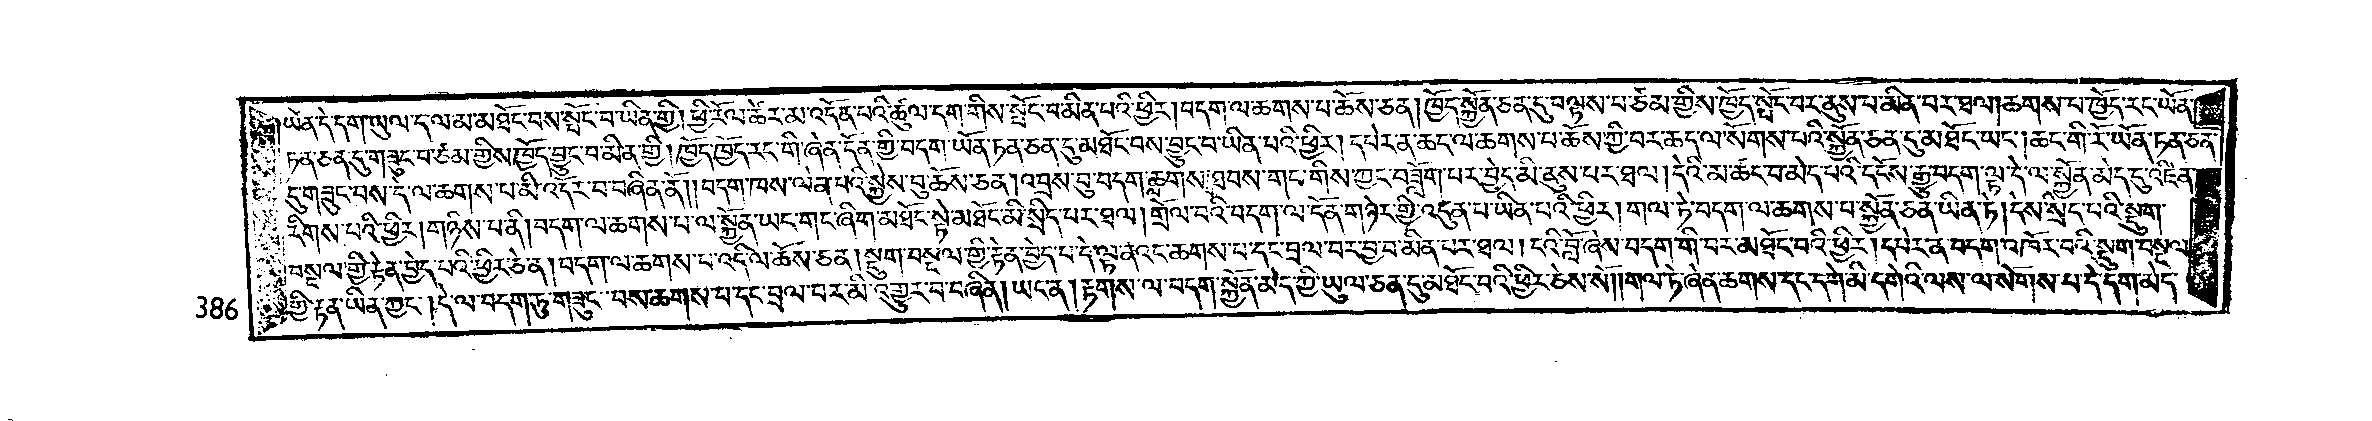ཡིན་དེ་དག་ཡུལ་དེ་ལ་མ་མཐོང་བས་སྤོང་བ་ཡིན་གྱི། ཕྱི་རོལ་ཚེར་མ་འདོན་པའི་ཚུལ་དག་གིས་སྤོང་བ་མིན་པའི་ཕྱིར། བདག་ལ་ཆགས་པ་ཆོས་ཅན། ཁྱོད་སྐྱོན་ཅན་དུ་བལྟས་པ་ཙམ་གྱིས་ཁྱོད་སྤོང་བར་ནུས་པ་མིན་པར་ཐལ། ཆགས་པ་ཁྱོད་རང་ཡོན་
ཏན་ཅན་དུ་གཟུང་བ་ཙམ་གྱིས་ཁྱོད་བྱུང་བ་མིན་གྱི། ཁྱོད་ཁྱོད་རང་གི་ཞེན་དོན་གྱི་བདག་ཡོན་ཏན་ཅན་དུ་མཐོང་བས་བྱུང་བ་ཡིན་པའི་ཕྱིར། དཔེར་ན་ཆང་ལ་ཆགས་པ་ཆོས་ཀྱི་བར་ཆད་ལ་སོགས་པའི་སྐྱོན་ཅན་དུ་མཐོང་ཡང་། ཆང་གི་རོ་ཡོན་ཏན་ཅན་
དུ་གཟུང་བས་དེ་ལ་ཆགས་པ་མི་འདོར་བ་བཞིན་ནོ། །བདག་ཁས་ལེན་པའི་སྐྱེས་བུ་ཆོས་ཅན། འབྲས་བུ་བདག་ལ་ཆགས་པ་ཐབས་གང་གིས་ཀྱང་བཟློག་པར་བྱེད་མི་ནུས་པར་ཐལ། དེའི་མ་ཚང་བ་མེད་པའི་དངོས་རྒྱུ་བདག་ལྟ་དེ་ལ་སྐྱོན་མེད་དུ་འཛིན་
རིགས་པའི་ཕྱིར། གཉིས་པ་ནི། བདག་ལ་ཆགས་པ་ལ་སྐྱོན་ཡང་གང་ཞིག་མཐོང་སྟེ་མཐོང་མི་སྲིད་པར་ཐལ། གྲོལ་བའི་བདག་ལ་དོན་གཉེར་གྱི་འདུན་པ་ཡིན་པའི་ཕྱིར། གལ་ཏེ་བདག་ལ་ཆགས་པ་སྐྱོན་ཅན་ཡིན་ཏེ། དེས་སྲིད་པའི་སྡུག་
བསྔལ་གྱི་རྟེན་བྱེད་པའི་ཕྱིར་ཅེ་ན། བདག་ལ་ཆགས་པ་འདི་ལ་ཆོས་ཅན། སྡུག་བསྔལ་གྱི་རྟེན་བྱེད་པ་དེ་ལྟ་ནའང་ཆགས་པ་དང་བྲལ་བར་བྱ་བ་མིན་པར་ཐལ། ངའི་བློ་ཞེས་བདག་གི་བར་མཐོང་བའི་ཕྱིར། དཔེར་ན་བདག་འཁོར་བའི་སྡུག་བསྔལ་
གྱི་རྟེན་ཡིན་ཀྱང་། དེ་ལ་བདག་ཏུ་གཟུང་བས་ཆགས་པ་དང་བྲལ་བར་མི་འགྱུར་བ་བཞིན། ཡང་ན། རྟགས་ལ་བདག་སྐྱོན་མེད་ཀྱི་ཡུལ་ཅན་དུ་མཐོང་བའི་ཕྱིར་ཅེས་སོ། །གལ་ཏེ་ཞེན་ཆགས་དང་དགེ་མི་དགེའི་ལས་ལ་སོགས་པ་དེ་དག་མེད་